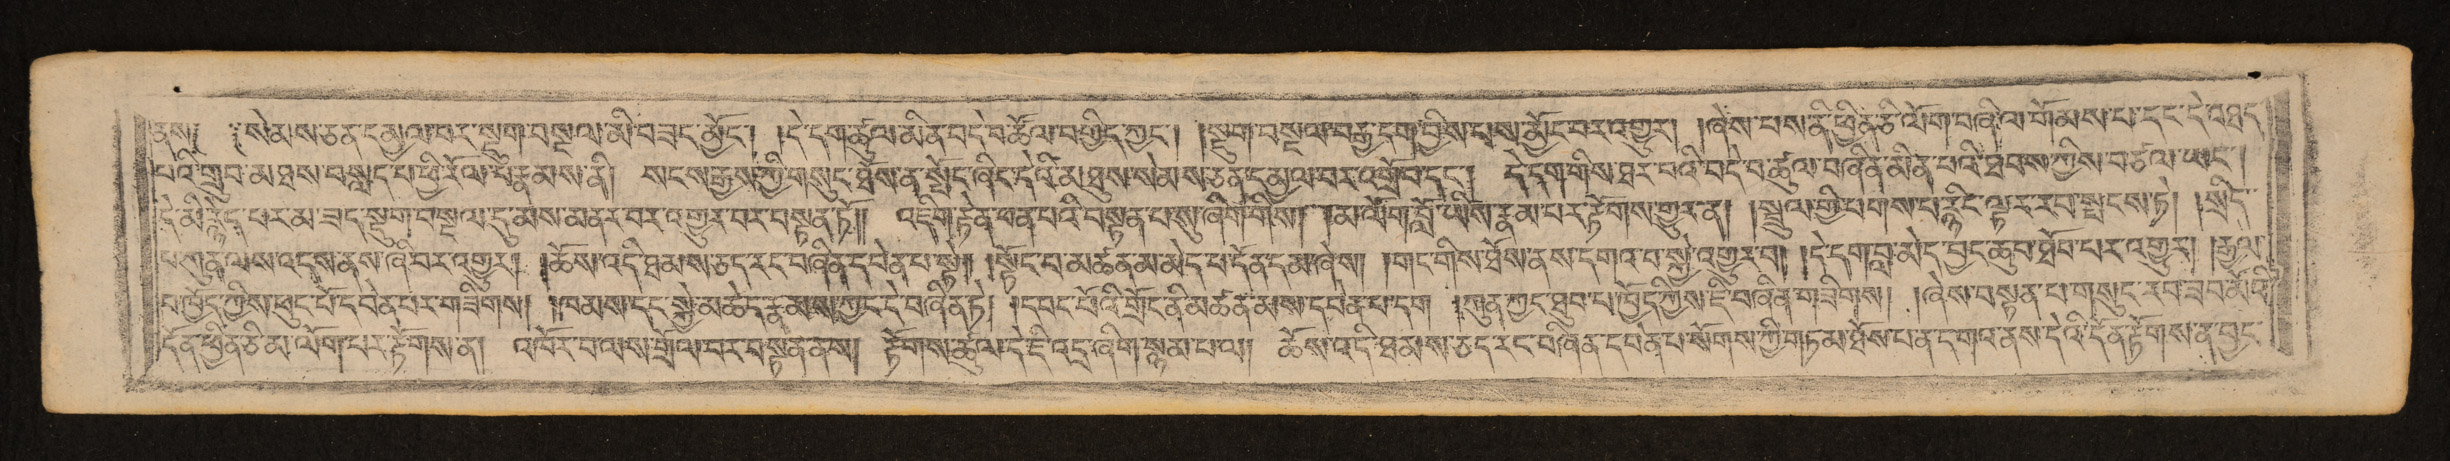ནས༑ ༑སེམས་ཅན་དམྱལ་བར་སྡུག་བསྔལ་མི་བཟད་མྱོང་། །དེ་དག་ཚུལ་མིན་བདེ་བ་ཚོལ་བགྱིད་ཀྱང་། །སྡུག་བསྔལ་བརྒྱ་དག་བྱིས་པས་མྱོང་བར་འགྱུར། །ཞེས་པས་ནི་ཕྱིན་ཅི་ལོག་བཞི་ལ་གོམས་པ་དང་དེ་འཐད་
པའི་གྲུབ་མཐས་བསླད་པ་ཕྱི་རོལ་པ་རྣམས་ནི། སངས་རྒྱས་ཀྱི་གསུང་ཐོས་ན་སྤོང་ཞིང་དེའི་མཐུས་སེམས་ཅན་དམྱལ་བར་འགྲོ་བ་དང་། དེ་དག་གིས་ཐར་པའི་བདེ་བ་ཚུལ་བཞིན་མིན་པའི་ཐབས་ཀྱིས་བཙལ་ཡང་།
དེ་མི་རྙེད་པར་མ་ཟད་སྡུག་བསྔལ་དུ་མས་མནར་བར་འགྱུར་བར་བསྟན་ཏོ།། འཇིག་རྟེན་ཕན་པའི་བསྟན་པ་སུ་ཞིག་གིས། །མ་ལོག་བློ་ཡིས་རྣམ་པར་རྟོགས་གྱུར་ན། །སྦྲུལ་གྱི་པགས་པ་རྙིང་ལྟར་རབ་སྤངས་ཏེ། །སྲིད་
པ་ཀུན་ལས་འདས་ནས་ཞི་བར་འགྱུར། །ཆོས་འདི་ཐམས་ཅད་རང་བཞིན་དབེན་པ་སྟེ། །སྟོང་པ་མཚན་མ་མེད་པ་དོན་དམ་ཞེས། །གང་གིས་ཐོས་ནས་དགའ་བ་སྐྱེ་འགྱུར་བ། །དེ་དག་བླ་མེད་བྱང་ཆུབ་ཐོབ་པར་འགྱུར། །རྒྱལ་
བ་ཁྱོད་ཀྱིས་ཕུང་པོ་དབེན་པར་གཟིགས། །ཁམས་དང་སྐྱེ་མཆེད་རྣམས་ཀྱང་དེ་བཞིན་ཏེ། །དབང་པོའི་གྲོང་ནི་མཚན་མས་དབེན་པ་དག །ཀུན་ཀྱང་ཐུབ་པ་ཁྱོད་ཀྱིས་ཇི་བཞིན་གཟིགས། །ཞེས་བསྟན་པ་གསུང་རབ་ཟབ་མོའི་
དོན་ཕྱིན་ཅི་མ་ལོག་པར་རྟོགས་ན། འཁོར་བ་ལས་གྲོལ་བར་བསྟན་ནས། རྟོགས་ཚུལ་དེ་ཇི་འདྲ་ཞིག་སྙམ་པ་ལ། ཆོས་འདི་ཐམས་ཅད་རང་བཞིན་དབེན་པ་སོགས་ཀྱི་གཏམ་ཐོས་པ་ན་དགའ་ནས་དེའི་དོན་རྟོགས་ན་བྱང་